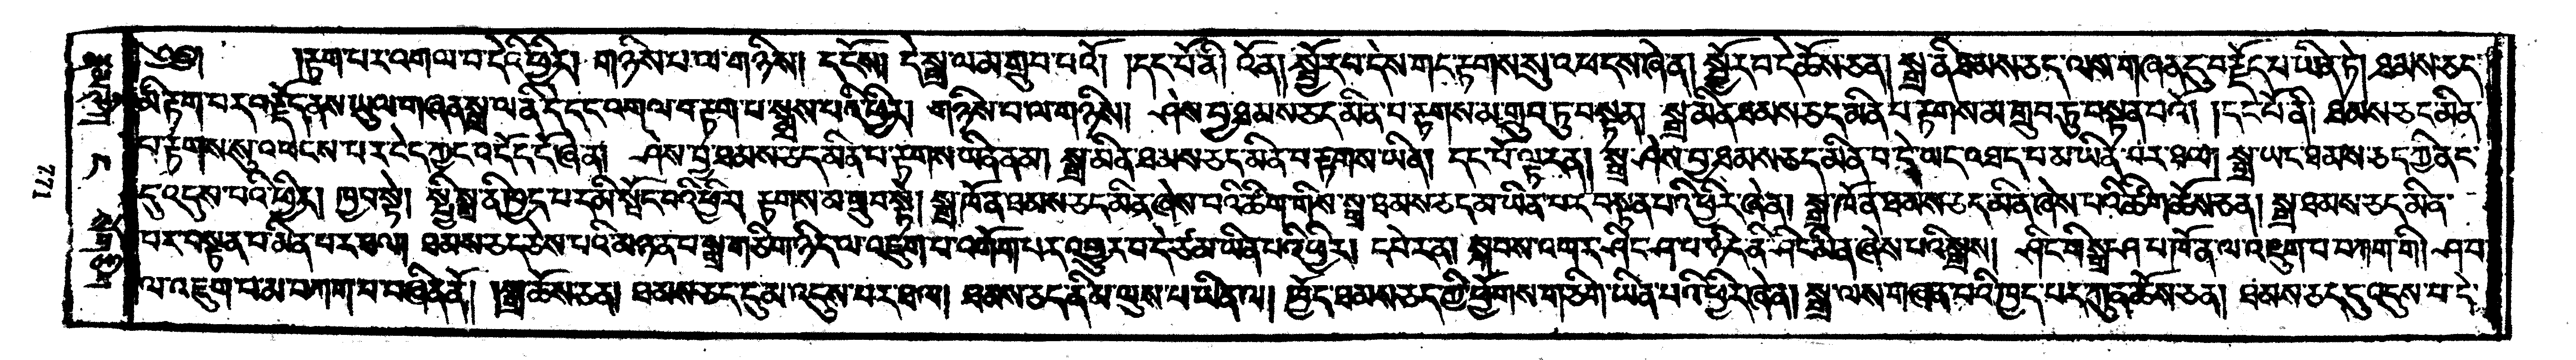༄༅། །རྟག་པར་འགལ་བ་དེའི་ཕྱིར། གཉིས་པ་ལ་གཉིས། དངོས། དེ་སྒྲ་ལ་མ་གྲུབ་པའོ། །དང་པོ་ནི། འོ་ན། སྦྱོར་བ་དེས་གང་རྟགས་སུ་འཕངས་ཞེ་ན། སྦྱོར་བ་དེ་ཆོས་ཅན། སྒྲ་ནི་ཐམས་ཅད་ལས་གཞན་དུ་བརྗོད་པ་ཡིན་ཏེ། ཐམས་ཅད་
མི་རྟག་པར་བརྗོད་ནས་ཡུལ་གཞན་སྒྲ་ལ་ནི་དེ་དང་འགལ་བ་རྟག་པ་སྨྲས་པའི་ཕྱིར། གཉིས་པ་ལ་གཉིས། ཤེས་བྱ་ཐམས་ཅད་མིན་པ་རྟགས་མ་གྲུབ་ཏུ་བསྟན། སྒྲ་མིན་ཐམས་ཅད་མིན་པ་རྟགས་མ་གྲུབ་ཏུ་བསྟན་པའོ། །དང་པོ་ནི། ཐམས་ཅད་མིན་
པ་རྟགས་སུ་འཕངས་པར་ངེད་ཀྱང་འདོད་དོ་ཞེ་ན། ཤེས་བྱ་ཐམས་ཅད་མིན་པ་རྟགས་ཡིན་ནམ། སྒྲ་མིན་ཐམས་ཅད་མིན་པ་རྟགས་ཡིན། དང་པོ་ལྟར་ན། སྒྲ་ཤེས་བྱ་ཐམས་ཅད་མིན་པ་དེ་ཡང་འཐད་པ་མ་ཡིན་པར་ཐལ། སྒྲ་ཡང་ཐམས་ཅད་ཀྱི་ནང་
དུ་འདུས་པའི་ཕྱིར། ཁྱབ་སྟེ། སྤྱི་སྒྲ་ནི་ཁྱད་པར་མི་སྤོང་བའི་ཕྱིར། རྟགས་མ་གྲུབ་སྟེ། སྒྲ་ཁོ་ན་ཐམས་ཅད་མིན་ཞེས་པའི་ཚིག་གིས་སྒྲ་ཐམས་ཅད་མ་ཡིན་པར་བསྟན་པའི་ཕྱིར་ཞེ་ན། སྒྲ་ཁོ་ན་ཐམས་ཅད་མིན་ཞེས་པའི་ཚིག་ཆོས་ཅན། སྒྲ་ཐམས་ཅད་མིན་
པར་བསྟན་པ་མིན་པར་ཐལ། ཐམས་ཅད་ཅེས་པའི་མཉན་པ་སྒྲ་གཅིག་ཉིད་ལ་འཇུག་པ་འགོག་པར་འགྱུར་བ་དེ་ཙམ་ཡིན་པའི་ཕྱིར། དཔེར་ན། སྐབས་འགར་ཤིང་ཤ་པ་ཉིད་ནི་ཤིང་མིན་ཞེས་པའི་སྒྲས། ཤིང་གི་སྒྲ་ཤ་པ་ཁོ་ན་ལ་འཇུག་པ་བཀག་གི། ཤ་བ་
ལ་འཇུག་པ་མ་བཀག་པ་བཞིན་ནོ། །སྒྲ་ཆོས་ཅན། ཐམས་ཅད་དུ་མ་འདུས་པར་ཐལ། ཐམས་ཅད་ནི་མ་ལུས་པ་ཡིན་ལ། ཁྱོད་ཐམས་ཅད་ཀྱི་ཕྱོགས་གཅིག་ཡིན་པའི་ཕྱིར་ཞེ་ན། སྒྲ་ལས་གཞན་པའི་ཁྱད་པར་ཀུན་ཆོས་ཅན། ཐམས་ཅད་དུ་འདུས་པ་དེ་